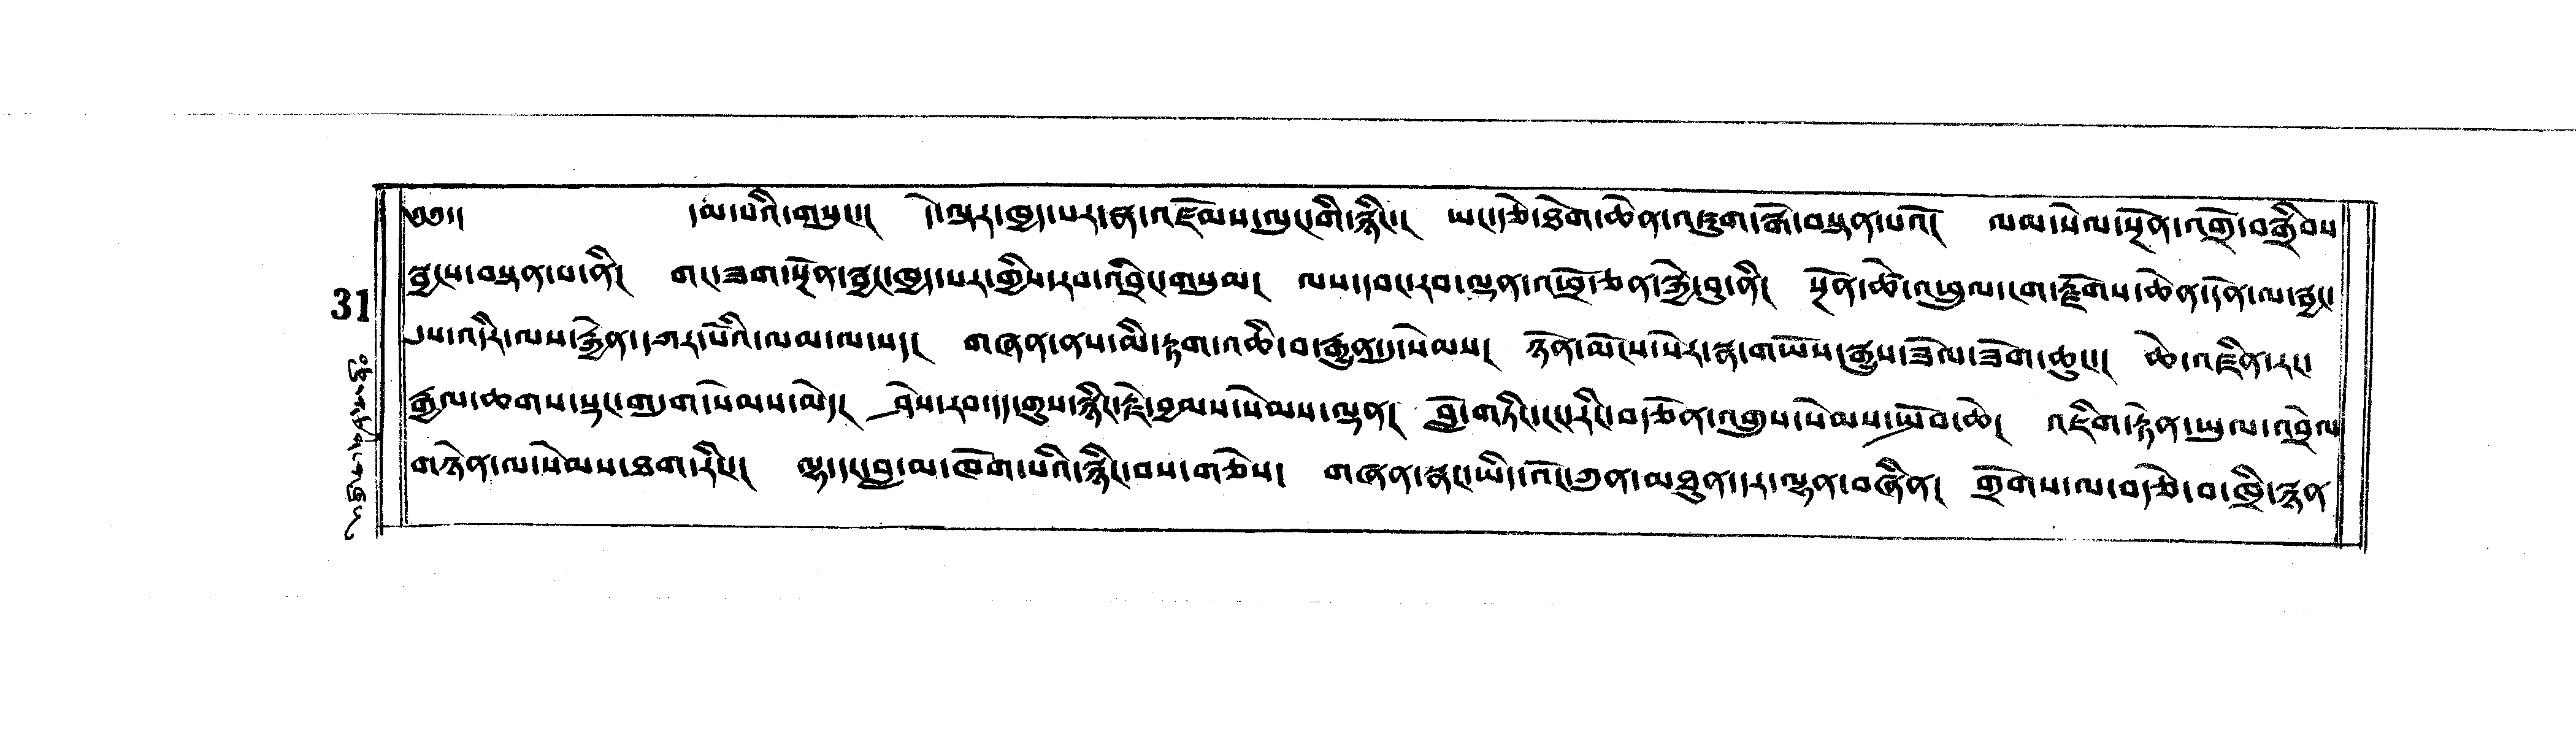དམ་པའི་གསུང་། དེ་ལྟར་ཁྱད་པར་སྣ་འཛོམས་ལུང་གི་སྙིང་། ཡང་རྩེ་ཐེག་ཆེན་འཇུག་སྒོ་བསྟན་པའོ།། ༧ ལམ་སེལ་སྔོན་འགྲོ་སྒྲིབ་
སྦྱང་བསྟན་པ་ནི། གང་ཟག་སྔོན་སྦྱང་ཁྱད་པར་གྱིས་རབ་འབྲིང་གསུམ། ལས་དབང་རབ་ལྡན་འཕྲོ་ཅན་སྐྱེས་བུ་ནི། སྔོན་ཚེ་འཕྲུལ་ངག་རྫོགས་ཆེན་དོན་ལ་སྦྱངས། 
དུས་འདིར་ལས་རྐྱེན་དཀར་པོའི་ལམ་ལ་སད། གཞན་ནས་མི་རྟག་འཆི་བ་རྒྱུན་དུ་སེམས། ཉོན་མོངས་སེར་སྣ་གཡོ་སྒྱུས་ཟོལ་ཟོག་ཆུང་། ཆེ་འཛིན་རང་
རྒྱལ་ཆགས་སྡང་གདུག་སེམས་མེད། ཤེས་རབ་དད་གུས་སྙིང་རྗེ་བྱམས་སེམས་ལྡན། བློ་གཏིང་ངང་རིང་བརྩོན་འགྲུས་སེམས་སྤོབས་ཆེ། འཇིག་རྟེན་ཡུལ་འབྲེལ་
གཉེན་ལ་སེམས་ཐག་རིང་། ལྷ་དང་བླ་མ་ཁོག་པའི་སྙིང་བས་གཅེས། གཞན་སྣང་ཡིད་འོང་ཀུན་མཐུན་དར་ལྷན་བཞིན། གྲོགས་ལ་བརྩེ་བ་ཁྲི་སྙན་